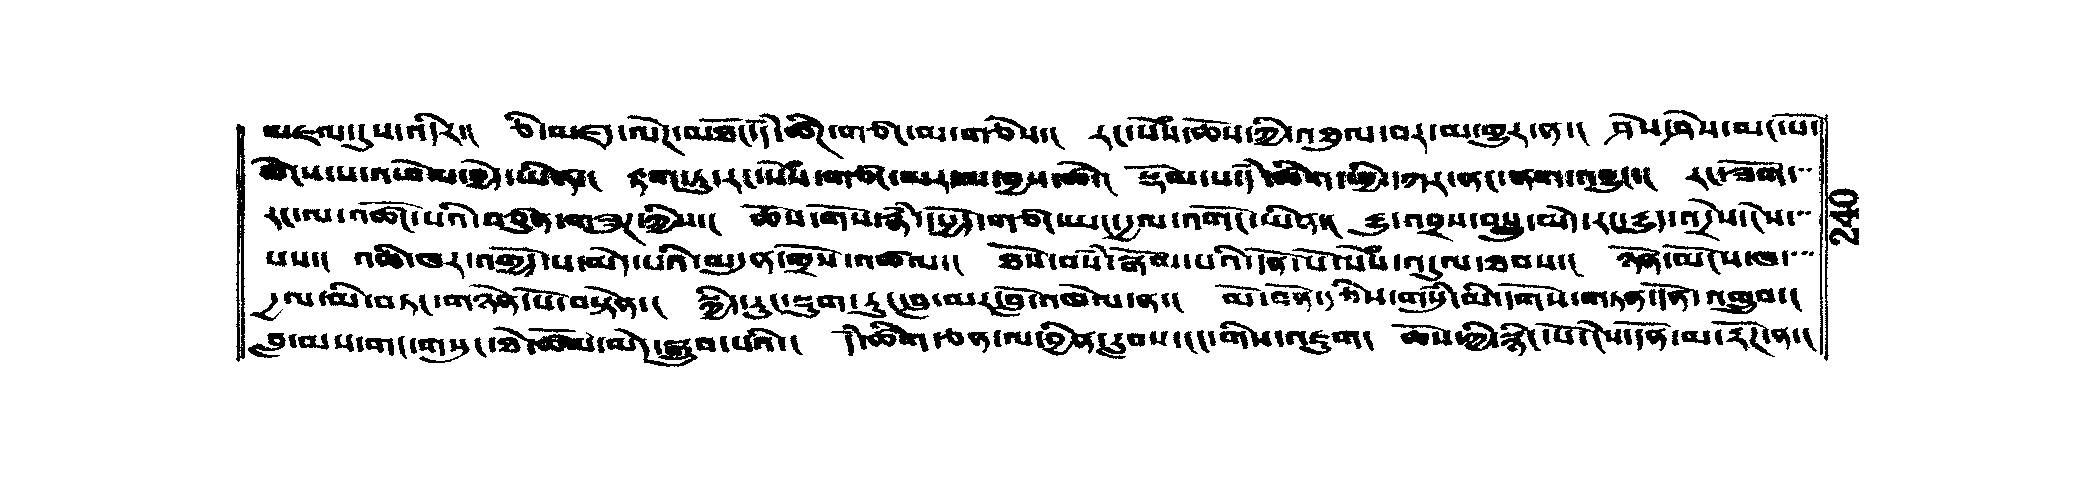མཇལ་དུས་འདིར། །ཅི་མཛད་ལེགས་མཐོང་ངམ་ཚིག་གཙང་མ་གཅེས། །རང་སེམས་ཆོས་ཀྱིས་ཐུལ་བར་མ་གྱུར་ན། །ཤེས་ཤེས་མང་པོ་
ཁེངས་པ་འཕེལ་བྱེད་ཡིན། །རྟག་ཏུ་རང་སེམས་གཙང་མར་མ་བྱས་ཚེ། །སྡོམ་པ་དམ་ཚིག་ཕྱི་དཀར་ནང་ནག་འབྱུང་། །རང་ཟོག་
རང་ལ་འཚོང་པའི་བཙུན་གཟུགས་ཀྱིས། །ཆོས་གོས་རྣམ་དཔྱོད་གཙང་ཡང་རྒྱལ་འགོང་ཡིན། །རྒྱུ་འབྲས་བསླུ་མེད་རང་རྒྱུད་འདྲེས་ངེས་
པས། །འཆི་ཁར་འགྱོད་པ་མེད་པའི་མདུན་གྲོས་འཚལ། །ཐོས་བསམ་སྒོམ་པའི་དོན་པོ་སེམས་འདུལ་ཐབས། །ཉོན་མོངས་ཁ་
རྒྱལ་མི་བཏང་གཉེན་པོ་བསྟེན། །སྐྱིད་རུང་སྡུག་རུང་བླ་མར་བློ་འཁེལ་ན། །མོ་བོན་རྩིས་གསུམ་མི་དགོས་གཏན་དོན་འགྲུབ། །
བླ་མས་གང་གསུངས་ཐེ་ཚོམ་མེད་སྒྲུབ་པའི། །དམ་ཚིག་ཅན་ལ་བྱིན་རླབས་ངང་གིས་འཇུག །ཆོས་ཀྱི་སྙིང་པོ་ངེས་དོན་མ་རྟོགས་ན།